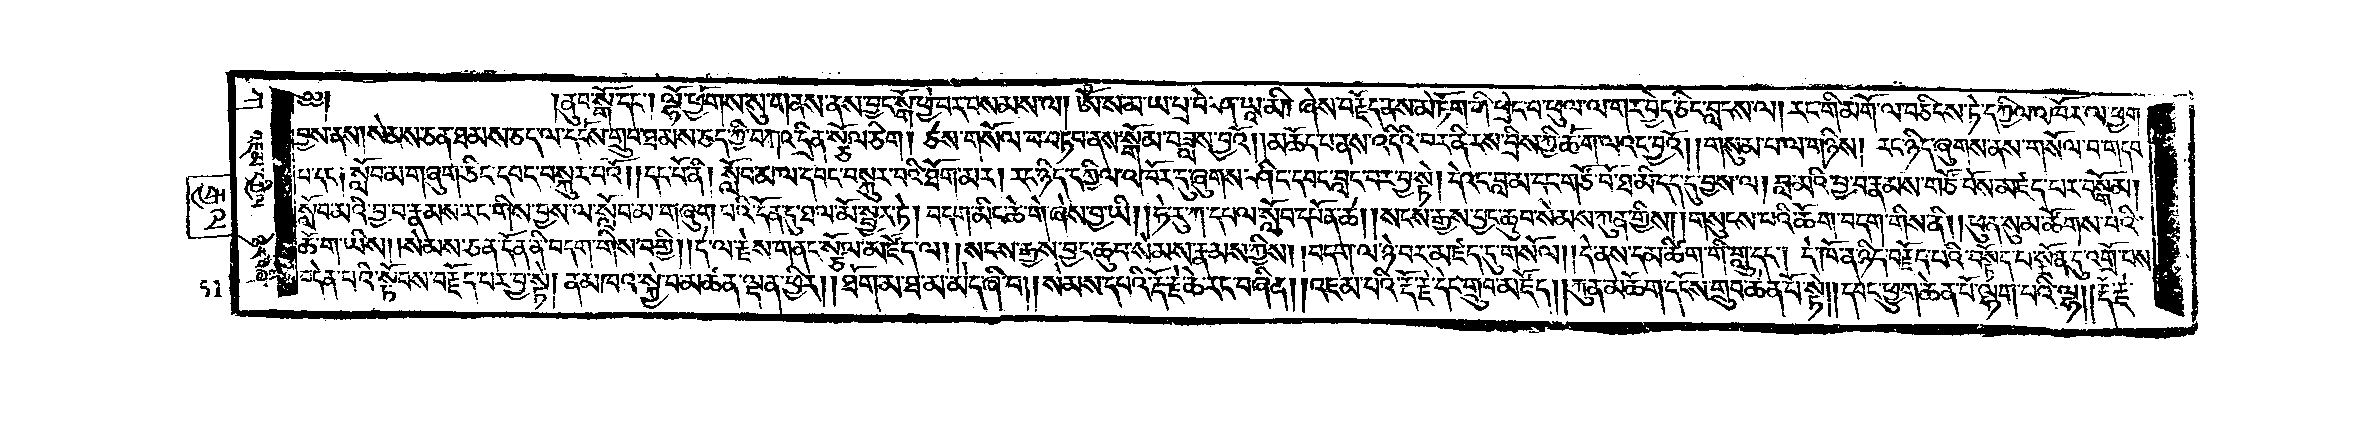༄༅། །ནུབ་སྒོ་དང་། ལྷོ་ཕྱོགས་སུ་གནས་ནས་བྱང་སྒོ་ཕྱེ་བར་བསམས་ལ། ཨོཾ་ས་མ་ཡ་པྲ་བེ་ཤ་ཡཱ་མི། ཞེས་བརྗོད་ནས་མེ་ཏོག་གི་ཕྲེང་བ་ཕུལ་ལ་གར་བྱེད་ཅིང་བླངས་ལ། རང་གི་མགོ་ལ་བཅིངས་ཏེ་དཀྱིལ་འཁོར་ལ་ཕྱག་
བྱས་ནས། སེམས་ཅན་ཐམས་ཅད་ལ་དངོས་གྲུབ་ཐམས་ཅད་ཀྱི་བཀའ་དྲིན་སྩོལ་ཅིག །ཅེས་གསོལ་བ་བཏབ་ནས་སྒོམ་བཟླས་བྱའོ། །མཆོད་པ་ནས་འདིའི་བར་ནི་རས་བྲིས་ཀྱི་ཆོ་ག་ལའང་བྱའོ། །གསུམ་པ་ལ་གཉིས། རང་ཉིད་ཞུགས་ནས་གསོལ་བ་གདབ་
པ་དང་། སློབ་མ་གཞུག་ཅིང་དབང་བསྐུར་བའོ། །དང་པོ་ནི། སློབ་མ་ལ་དབང་བསྐུར་བའི་ཐོག་མར། རང་ཉིད་དཀྱིལ་འཁོར་དུ་ཞུགས་ཤིང་དབང་བླང་བར་བྱ་སྟེ། དེའང་བླ་མ་དང་གཙོ་བོ་ཐ་མི་དད་དུ་བྱས་ལ། བླ་མའི་བྱ་བ་རྣམས་གཙོ་བོས་མཛད་པར་བསྒོམ།
སློབ་མའི་བྱ་བ་རྣམས་རང་གིས་བྱས་ལ་སློབ་མ་གཞུག་པའི་དོན་དུ་ཐལ་མོ་སྦྱར་ཏེ། བདག་མིང་ཆེ་གེ་ཞེས་བྱ་ཡི། །ཧེ་རུ་ཀ་དཔལ་སློབ་དཔོན་ཆེ། །སངས་རྒྱས་བྱང་ཆུབ་སེམས་ཀུན་གྱིས། །གསུངས་པའི་ཆོག་བདག་གིས་ནི། །ཕུན་སུམ་ཚོགས་པའི་
ཆོ་ག་ཡིས། །སེམས་ཅན་དོན་ནི་བདག་གིས་བགྱི། །དེ་ལ་རྗེས་གནང་སྩོལ་མཛོད་ལ། །སངས་རྒྱས་བྱང་ཆུབ་སེམས་རྣམས་ཀྱིས། །བདག་ལ་ཉེ་བར་མཛད་དུ་གསོལ། །དེ་ནས་དམ་ཚིག་གི་གླུ་དང་། དེ་ཁོ་ན་ཉིད་བརྗོད་པའི་བསྟོད་པ་སྔོན་དུ་འགྲོ་བས་
བདེན་པའི་སྟོབས་བརྗོད་པར་བྱ་སྟེ། ནམ་མཁའ་སྐྱེ་བ་མཚན་ལྡན་ཕྱིར། །ཐོག་མ་ཐ་མ་མེད་ཞི་བ། །སེམས་དཔའི་རྡོ་རྗེ་ཆེ་རང་བཞིན། །འཇམ་པའི་རྡོ་རྗེ་དེང་གྲུབ་མཛོད། །ཀུན་མཆོག་དངོས་གྲུབ་ཆེན་པོ་སྟེ། །དབང་ཕྱུག་ཆེན་པོ་ལྷག་པའི་ལྷ། །རྡོ་རྗེ་